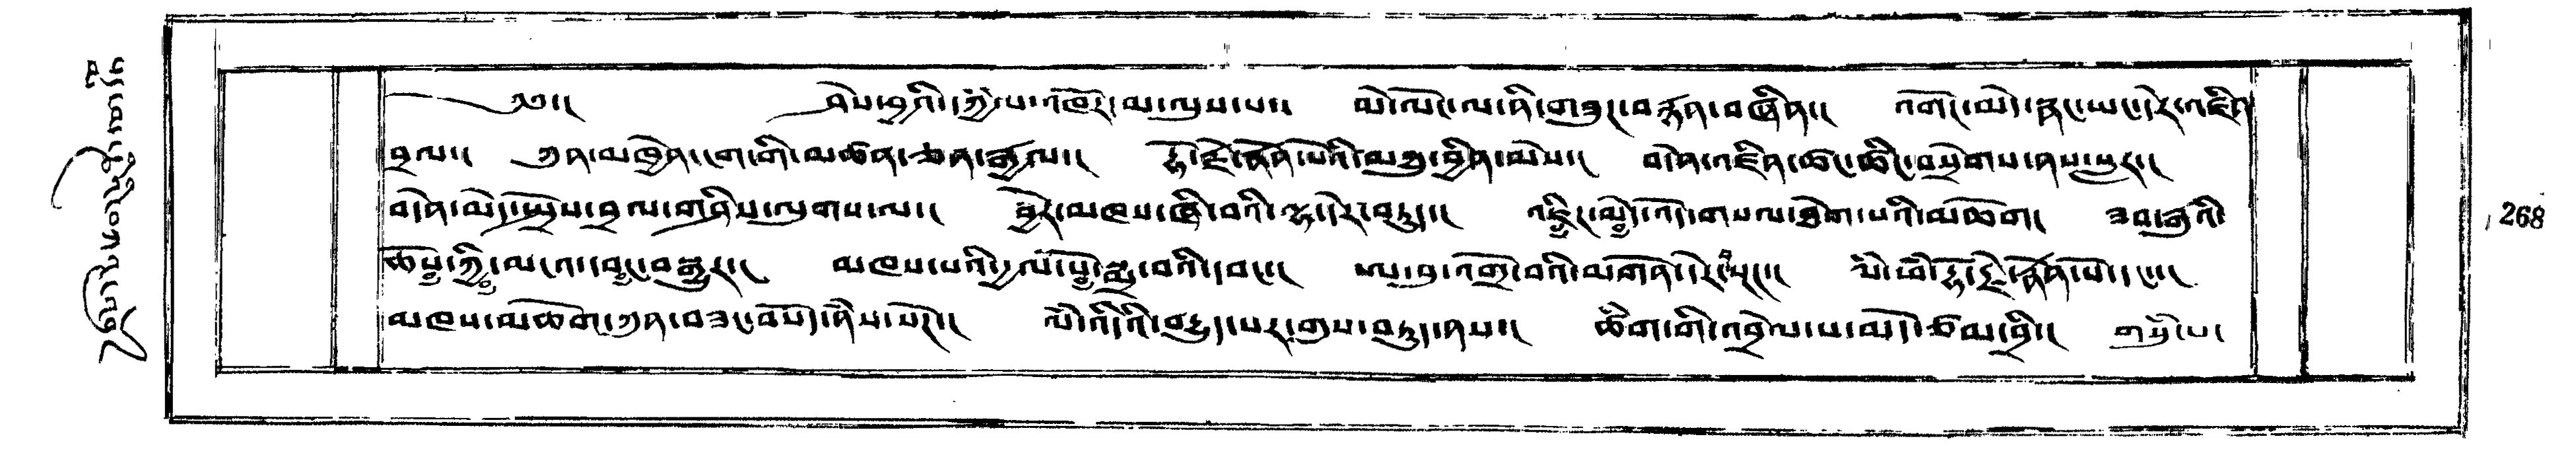ཤེས་བྱའི་དཀྱིལ་འཁོར་མ་ལུས་པ། །མེ་ལོང་ལ་ནི་གཟུགས་བརྙན་བཞིན། །འགོག་མེད་སྣང་ཡང་དེར་འཛིན་
བྲལ། །ཀུན་མཁྱེན་ངག་གི་མཚན་ཅན་རྒྱལ། །རྡོ་རྗེ་རྣོན་པོའི་མཐུ་བྱིན་མེས། །བདེན་འཛིན་ཚང་ཚིང་བསྲེགས་ནས་སླར། །
བདེན་མེད་སྤྲོས་བྲལ་གཤིས་ལུགས་ལ། །སྦྱོར་མཁས་ཞི་བའི་ལྷ་དེར་བཏུད། །འཇིགས་མེད་འོད་གསལ་ཐེག་པའི་མཆོག །ཟབ་རྒུའི་
ཆོས་ཀྱི་མངའ་དབང་བསྒྱུར། །མཁས་པའི་རྒྱལ་པོ་སྨྲ་བའི་དབང་། །ཨ་བུ་འགྲོ་བའི་མགོན་དེར་བསྔགས། །མི་ཕམ་རྡོ་རྗེ་རྣོན་པོ་དང་། །
མཁས་མཆོག་ཀུན་བཟང་བསོད་ནམས་སོགས། །ལམ་འདིའི་བརྒྱུད་པར་གུས་བཏུད་ནས། ཚིག་གི་འགྲེལ་པ་མདོ་ཙམ་འབྲི། གསུམ་པ་